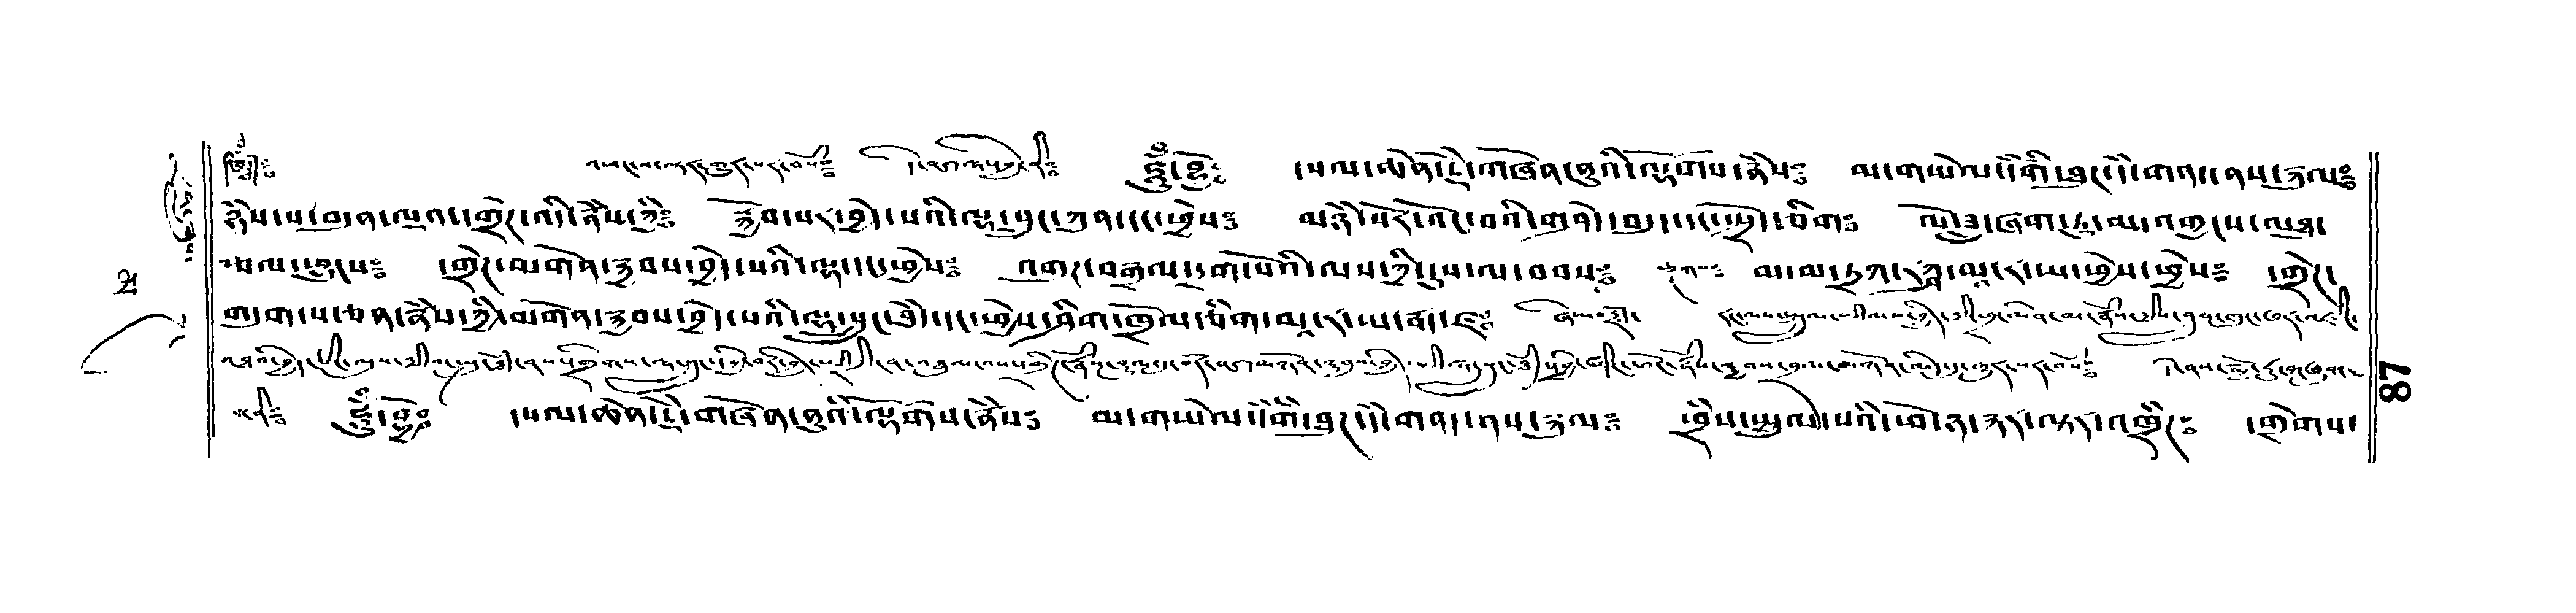འཕང་བ་ལྟར་གྱུར་པར་བསམ༔ དེ་ནས་ལྷ་དབྱེ་ནི༔ ཧཱུྃ་བྷྱོ༔ དཔལ་ཆེན་རྡོ་རྗེ་གཞོན་ནུའི་ལྷ་ཚོགས་རྣམས༔ མ་གཡེལ་དམ་ཚིག་ཐུགས་དམ་གནད་ནས་སྐུལ༔ 
ཉམས་པ་བདུན་ལྡན་དགྲ་བགེགས་འདི་རྣམས་ཀྱི༔ སྐྱོབ་པར་བྱེད་པའི་ལྷ་སྲུང་ཀུན་དང་ཕྱེས༔ མཉམ་པོར་འོང་བའི་གཤེད་བདུད་དང་སྤྲོད་ཅིག༔ ལོ་ཟླ་ཞག་ཏུ་མ་འགྱངས་མཐུ་
རྩལ་ཕྱུངས༔ དགྲ་བགེགས་མགོན་སྐྱབས་བྱེད་པའི་ལྷ་དང་ཕྱེས༔ འགུགས་བསྒྲལ་དྲག་པོའི་ལས་ཀྱི་དུས་ལ་བབས༔ རྩ་སྔགས༔ མ་མ་ཏྲཀ་རཀྵ་མཱ་ར་ཡ་ཕྱེས་ཕྱེས༔ དགྲ་བགེགས་
གདུག་པ་ཅན་རྣམས་ཀྱི་མགོན་སྐྱབས་བྱེད་པའི་ལྷ་སྲུང་ཐམས་ཅད་ཕྱེས་ཤིག་ཁྲོལ་ཅིག་མཱ་ར་ཡ་རྦད་ཛ༔ ཞེས་བརྗོད། རང་ལས་སྤྲུལ་པའི་ལས་བྱེད་ཀྱི་ཕྲ་མེན་མ་རྣམས་ཀྱིས་བྲུབ་ཁུང་ཁར་འཛིང་
འཐབ་བྱེད་ཅིང་ལུས་ཀྱི་བ་སྤུ་ཐམས་ཅད་ནས་དགྲ་བགེགས་ལྷ་སྲུང་དབྱེ་བར་བྱེད་པའི་དྲི་ངན་འཐུལ་བས་དགྲ་བགེགས་རྣམས་ཤུལ་དུ་བོར་ནས་མགོན་སྐྱབས་བྱེད་པའི་ལྷ་སྲུང་ཐམས་ཅད་དབྱེ་ཞིང་ཁོང་རྣམས་སྐྱབས་བྲལ་མགོན་མེད་དུ་གྱུར་པར་བསམ༔དེ་ནས་སྨྱོ་རུ་གཞུག་
པ་ནི༔ ཧཱུྃ་བྷྱོ༔ དཔལ་ཆེན་རྡོ་རྗེ་གཞོན་ནུའི་ལྷ་ཚོགས་རྣམསཿ མ་གཡེལ་དམ་ཚིག་ཐུགས་དམ་གནད་ནས་སྐུལ༔ ཕྲིན་ལས་སྤྲུལ་པའི་ཕོ་ཉ་སྐར་ལྟར་འཁྲིགས༔ དགྲ་བགེགས་